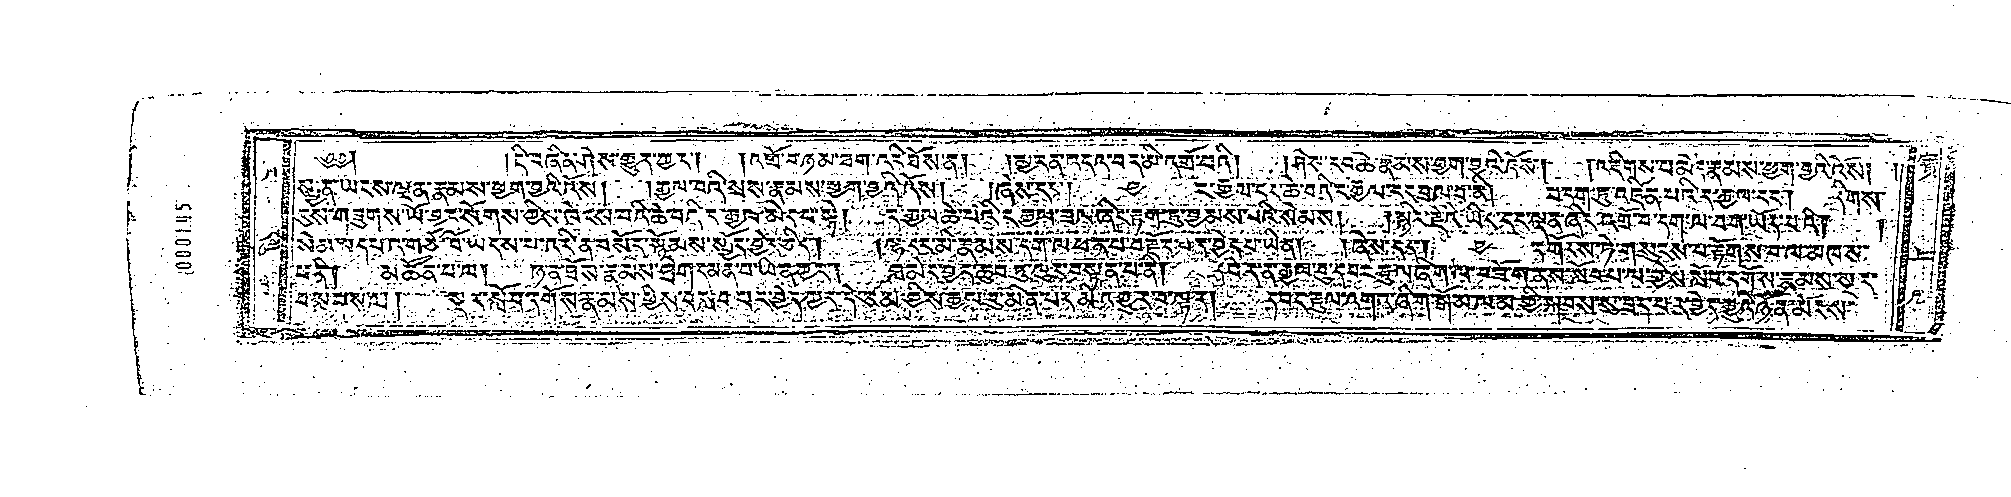༄༅། །དེ་བཞིན་ཤེས་གྱུར་ཀྱང་། །འགྲོ་བ་ཉམ་ཐག་འདི་ཐོས་ན། །མྱ་ངན་འདའ་བར་མི་འགྲོ་བའི། །ཤེས་རབ་ཆེ་རྣམས་ཕྱག་བྱའི་འོས། །འཇིགས་པ་མེད་རྣམས་ཕྱག་བྱའི་འོས། །
སྤྱན་ཡངས་ལྡན་རྣམས་ཕྱག་བྱའི་འོས། །རྒྱལ་བའི་སྲས་རྣམས་ཕྱག་བྱའི་འོས། །ཞེས་དང་། ༧་ང་རྒྱལ་དང་ཆེ་བའི་ང་རྒྱལ་དང་བྲལ་བ་ནི། བདག་ཏུ་འཛིན་པའི་ང་རྒྱལ་དང་། རིགས་
དུས་གཟུགས་ཡོ་བྱད་སོགས་ཀྱིས་ཁེངས་པའི་ཆེ་བའི་ང་རྒྱལ་མེད་པ་སྟེ། ང་རྒྱལ་ཆེ་བའི་ང་རྒྱལ་བྲལ་ཞིང་རྟག་ཏུ་བྱམས་པའི་སེམས། །སྙིང་རྗེའི་ཡིད་དང་ལྡན་ཞིང་འགྲོ་བ་དག་ལ་བག་ཡོད་པའི། །
སེམས་དཔའ་གཙོ་བོ་ཡངས་པ་འདི་ན་བསོད་སྙོམས་སྤྱོད་བྱེད་ཅིང་། །ལྷ་དང་མི་རྣམས་དག་ལ་ཕན་པ་བརྗོད་པར་བྱེད་པ་ཡིན། །ཞེས་དང་། ༧་དགོངས་ཏེ་གསུངས་པ་རྟོགས་པ་ལ་མཁས་
པ་ནི། མཚོན་པ་ལ། ཉན་ཐོས་རྣམས་ཐེག་དམན་པ་ཡིན་ཀྱང་། བླ་མེད་བྱང་ཆུབ་ཏུ་ལུང་བསྟན་པ་ནི། དཔེར་ན་རྒྱལ་བུ་དབང་རྟུལ་ཞིག་ལ་བཟོ་གནས་སློབ་པ་ལ་ཕྱིས་སློབ་དགོས་རྣམས་སྔར་
བསླབས་ལ། སྔར་སློབ་དགོས་རྣམས་ཕྱིས་བསླབ་པར་བྱེད་ཀྱང་དེ་ཙམ་གྱིས་རྒྱལ་བུ་མིན་པར་མི་འགྱུར་བ་ལྟར། དབང་རྟུལ་འགའ་ཞིག་སྒོམ་ལམ་གྱི་སྐབས་སུ་བྲད་པར་བྱེད་རྒྱུའི་ཉོན་མོངས་